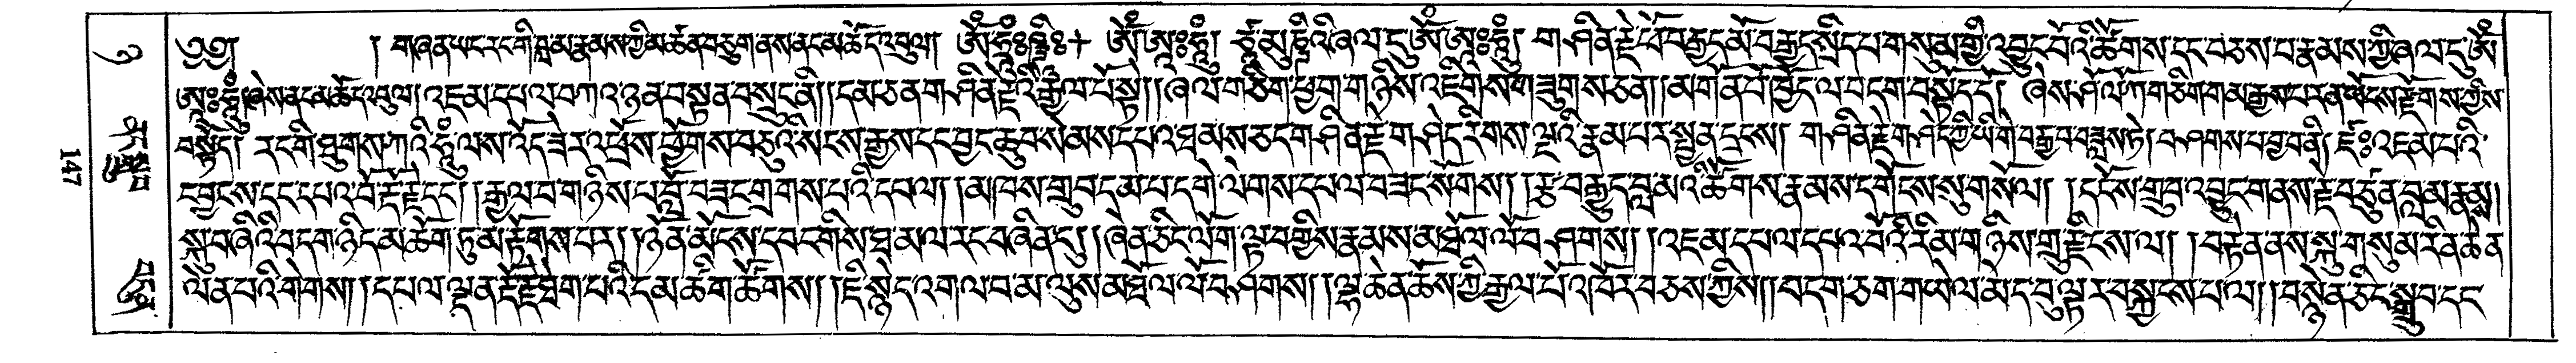༄༅། །གཞན་ཡང་ངང་གི་བླ་མ་རྣམས་ཀྱི་མཚན་བཅུག་ནས་ནང་མཆོད་འབུལ། ཨོཾ་ཧྲཱིཿཥྜཱིཿཨོཾ་ཨཱཿཧཱུཾ། ཙཱ་མུཎྜིའི་ཞལ་དུ་ཨོཾ་ཨཱཿཧཱུཾ། གཤིན་རྗེ་ཕོ་བརྒྱད་མོ་བརྒྱད་སྲིད་པ་གསུམ་གྱི་འབྱུང་པོའི་ཚོགས་དང་བཅས་པ་རྣམས་ཀྱི་ཞལ་དུ་ཨོཾ་
ཨཱཿཧཱུཾ། ཞེས་ནང་མཆོང་འབུལ། འཇམ་དཔལ་བཀའ་ཉན་བསྟན་བསྲུང་ནི། །དམ་ཅན་གཤིན་རྗེའི་རྒྱལ་པོ་སྟེ། །ཞལ་གཅིག་ཕྱག་གཉིས་འཇིགས་གཟུགས་ཅན། །མགོན་པོ་ཁྱོད་ལ་བདག་བསྟོད་དོ། ཞེས་ཤོ་ལོ་ཀ་གཅིག་གམ་རྒྱས་པར་ན་ཡོངས་རྫོགས་ཀྱིས་
བསྟོད། རང་གི་ཐུགས་ཀའི་ཧཱུཾ་ལས་འོད་ཟེར་འཕྲོས་ཕྱོགས་བཅུའི་སངས་རྒྱས་དང་བྱང་ཆུབ་སེམས་དཔའ་ཐམས་ཅད་གཤིན་རྗེ་གཤེད་རིགས་ལྔའི་རྣམ་པར་སྤྱན་དྲངས། གཤིན་རྗེ་གཤེད་ཀྱི་ཡི་གེ་བརྒྱ་བ་བཟླས་ཏེ། བཤགས་པ་བྱ་བ་ནི། ཛཾཿའཇམ་པའི་
དབྱངས་དང་དཔའ་བོ་རྡོ་རྗེ་དང་། །རྒྱལ་བ་གཉིས་པ་བློ་བཟང་གྲགས་པའི་དཔལ། །མཁས་གྲུབ་དམ་པ་དགེ་ལེགས་དཔལ་བཟང་སོགས། །རྩ་བརྒྱུད་བླ་མའི་ཚོགས་རྣམས་དགོངས་སུ་གསོལ། །དངོས་གྲུབ་འབྱུང་གནས་རྗེ་བཙུན་བླ་མ་རྣམས།།
སྐུ་བཞིའི་བདག་ཉིད་མཆོག་ཏུ་མ་རྟོགས་པར། །ཉོན་མོངས་དབང་གིས་ཐ་མལ་རང་བཞིན་དུ། །ཞེན་ཅིང་ལོག་ལྟ་བགྱིས་རྣམས་མཐོལ་ལོ་བཤགས། །འཇམ་དཔལ་དཔའ་བོའི་རིམ་གཉིས་གྲུ་རྫིངས་ལ། །བརྟེན་ནས་སྐུ་གསུམ་རིན་ཆེན་
ལེན་པའི་གེགས། །དཔལ་ལྡན་རྡོ་རྗེ་ཐེག་པའི་དམ་ཚིག་ཚོགས། །ཇི་སྙེད་འགལ་བ་མ་ལུས་མཐོལ་ལོ་བཤགས། །ལྷ་ཆེན་ཆོས་ཀྱི་རྒྱལ་པོ་འཁོར་བཅས་ཀྱིས། །བདག་ཅག་གཡེལ་མེད་བུ་ལྟར་བསྐྱངས་པ་ལ། །བསྙེན་ཅིང་སྒྲུབ་དང་